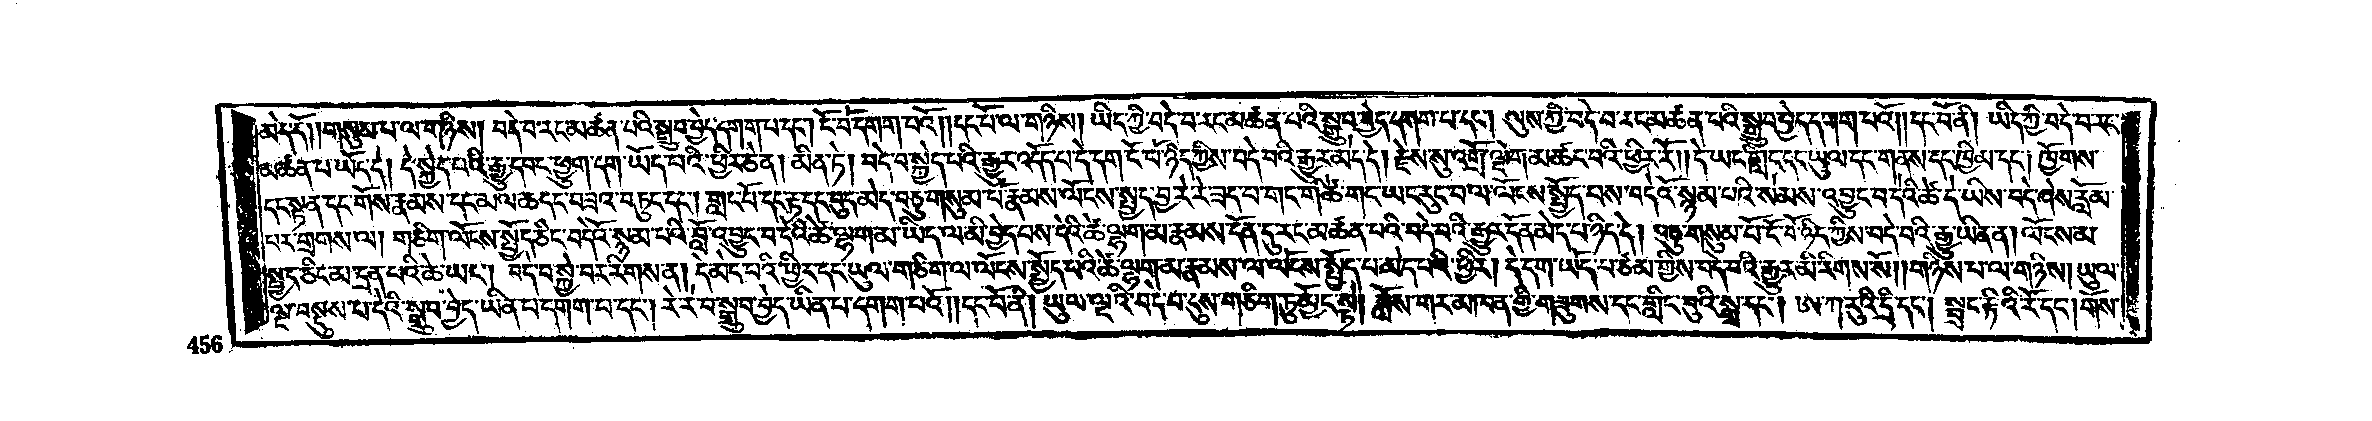མེད་དོ། །གསུམ་པ་ལ་གཉིས། བདེ་བ་རང་མཚན་པའི་སྒྲུབ་བྱེད་དགག་པ་དང་། ངོ་བོ་དགག་པའོ། །དང་པོ་ལ་གཉིས། ཡིད་ཀྱི་བདེ་བ་རང་མཚན་པའི་སྒྲུབ་བྱེད་དགག་པ་དང་། ལུས་ཀྱི་བདེ་བ་རང་མཚན་པའི་སྒྲུབ་བྱེད་དགག་པའོ། །དང་པོ་ནི། ཡིད་ཀྱི་བདེ་བ་རང་
མཚན་པ་ཡོད་དེ། དེ་སྐྱེད་པའི་རྒྱུ་དབང་ཕྱུག་དག་ཡོད་པའི་ཕྱིར་ཅེ་ན། མིན་ཏེ། བདེ་བ་སྐྱེད་པའི་རྒྱུར་འདོད་པ་དེ་དག་ངོ་བོ་ཉིད་ཀྱིས་བདེ་བའི་རྒྱུར་མེད་དེ། རྗེས་སུ་འགྲོ་ལྡོག་མཚང་བའི་ཕྱིར་རོ། །དེ་ཡང་གླིང་དང་ཡུལ་དང་གནས་དང་ཁྱིམ་དང་། ཁྱོགས་
དང་སྟན་དང་གོས་རྣམས་དང་མལ་ཆ་དང་བཟའ་བཏུང་དང་། གླང་པོ་དང་རྟ་དང་བུད་མེད་བཅུ་གསུམ་པོ་རྣམས་ལོངས་སྤྱད་བྱ་རེ་རེ་ཟད་པ་གང་གི་ཚེ་གང་ཡང་རུང་བ་ལ་ལོངས་སྤྱོད་པས་བདེའོ་སྙམ་པའི་སེམས་འབྱུང་བ་དེའི་ཚེ་དེ་ཡིས་བདེ་ཞེས་རློམ་
པར་གྲགས་ལ། གཅིག་ལོངས་སྤྱོད་ཅིང་བདེའོ་སྙམ་པའི་བློ་འབྱུང་བ་དེའི་ཚེ་ལྷག་མ་ཡིད་ལ་མི་བྱེད་པས་དེའི་ཚེ་ལྷག་མ་རྣམས་དོན་དུ་རང་མཚན་པའི་བདེ་བའི་རྒྱུར་དོན་མེད་པ་ཉིད་དེ། བཅུ་གསུམ་པོ་ངོ་བོ་ཉིད་ཀྱིས་བདེ་བའི་རྒྱུ་ཡིན་ན། ལོངས་མ་
སྤྱད་ཅིང་མ་དྲན་པའི་ཆེ་ཡང་། བདེ་བ་སྐྱེ་བར་རིགས་ན། དེ་མེད་པའི་ཕྱིར་དང་ཡུལ་གཅིག་ལ་ལོངས་སྤྱོད་པའི་ཚེ་ལྷག་མ་རྣམས་ལ་ལོངས་སྤྱོད་པ་མེད་པའི་ཕྱིར། དེ་དག་ཡོད་པ་ཙམ་གྱིས་བདེ་བའི་རྒྱུར་མི་རིགས་སོ། །གཉིས་པ་ལ་གཉིས། ཡུལ་
ལྔ་བསྡུས་པ་དེའི་སྒྲུབ་བྱེད་ཡིན་པ་དགག་པ་དང་། རེ་རེ་བསྒྲུབ་བྱེད་ཡིན་པ་དགག་པའོ། །དང་པོ་ནི། ཡུལ་ལྔའི་བདེ་བ་དུས་གཅིག་ཏུ་མྱོང་སྟེ། ཟློས་གར་མཁན་གྱི་གཟུགས་དང་གླིང་བུའི་སྒྲ་དང་། ཨ་ཀ་རུའི་དྲི་དང་། སྦྲང་རྟིའི་རོ་དང་། གོས་